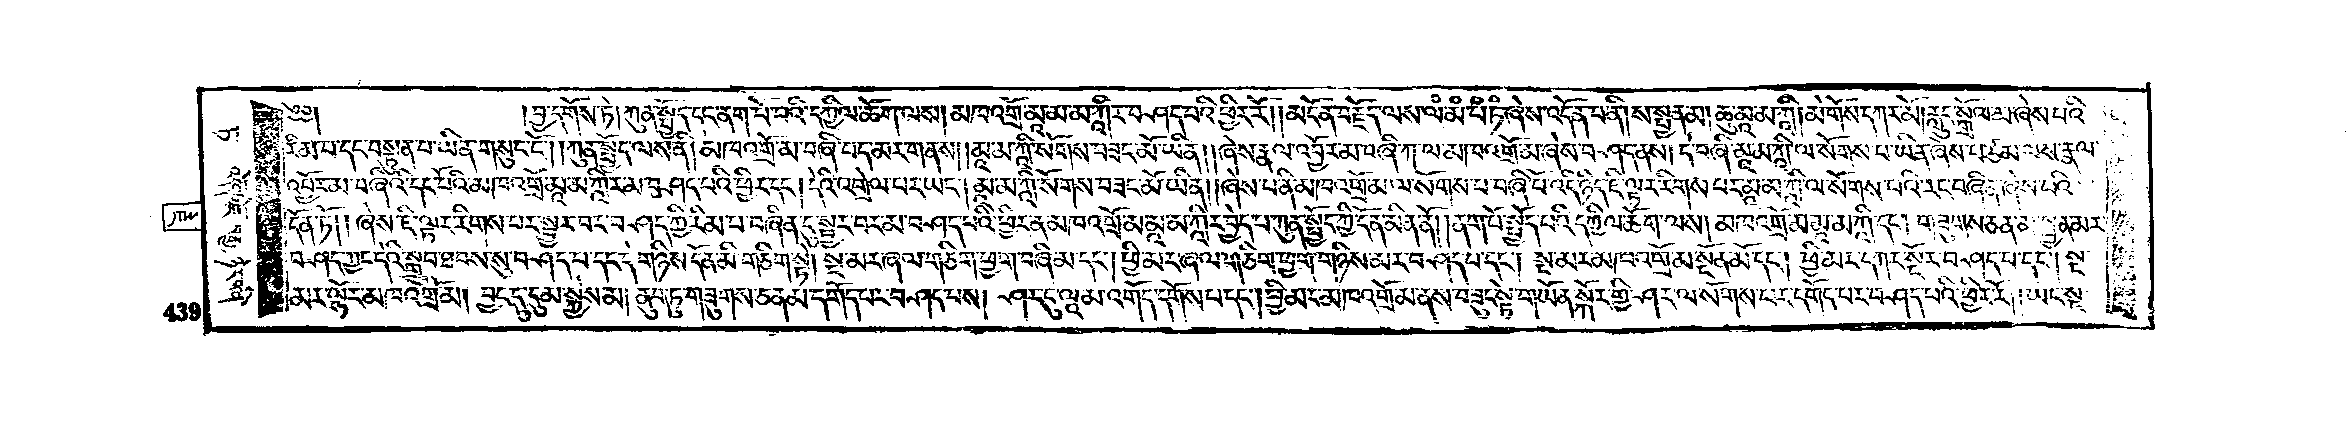༄༅། །བྱ་དགོས་ཏེ། ཀུན་སྤྱོད་དང་ནག་པོ་པའི་དཀྱིལ་ཆོག་ལས། མཁའ་འགྲོ་མཱ་མ་མ་ཀཱིར་བཤད་པའི་ཕྱིར་རོ། །མངོན་བརྗོད་ལས་ལཾ་མཾ་པཾ་ཏཾ་ཞེས་འདོན་པ་ནི། ས་སྤྱན་མ། ཆུ་མཱ་མ་ཀཱི། མེ་གོས་དཀར་མོ། རླུང་སྒྲོལ་མ་ཞེས་པའི་
རིམ་པ་དང་བསྟུན་པ་ཡིན་གསུང་ངོ། །ཀུན་སྤྱོད་ལས་ནི། མཁའ་འགྲོ་མ་བཞི་པད་མར་གནས། །མཱ་མ་ཀཱི་སོགས་བཟང་མོ་ཡིན། །ཞེས་རྣལ་འབྱོར་མ་བཞི་ཀ་ལ་མཁའ་འགྲོ་མ་ཞེས་བཤད་ནས། དེ་བཞི་མཱ་མ་ཀཱི་ལ་སོགས་པ་ཡིན་ཞེས་པ་ཙམ་ལས་རྣལ་
འབྱོར་མ་བཞིའི་དང་པོའི་མཁའ་འགྲོ་མཱ་མ་ཀཱིར་མ་བཤད་པའི་ཕྱིར་དང་། དེའི་འགྲེལ་པར་ཡང་། མཱ་མ་ཀཱི་སོགས་བཟང་མོ་ཡིན། །ཞེས་པ་ནི་མཁའ་འགྲོ་མ་ལ་སོགས་པ་བཞི་པོ་འདི་ཉིད་ཇི་ལྟར་རིགས་པར་མཱ་མ་ཀཱི་ལ་སོགས་པའི་རང་བཞིན་ཞེས་པའི་
དོན་ཏོ། །ཞེས་ཇི་ལྟར་རིགས་པར་སྦྱར་བར་བཤད་ཀྱི་རིམ་པ་བཞིན་དུ་སྦྱར་བར་མ་བཤད་པའི་ཕྱིར་ན་མཁའ་འགྲོ་མ་མཱ་མ་ཀཱིར་བྱེད་པ་ཀུན་སྤྱོད་ཀྱི་དོན་མིན་ནོ། །ནག་པོ་སྤྱོད་པའི་དཀྱིལ་ཆོག་ལས། མཁའ་འགྲོ་མ་མཱ་མ་ཀཱི་དང་། གཟུགས་ཅན་མ་སྤྱན་མར་
བཤད་ཀྱང་དེའི་སྒྲུབ་ཐབས་སུ་བཤད་པ་དང་དེ་གཉིས་དོན་མི་གཅིག་སྟེ། སྔ་མར་ཞལ་གཅིག་ཕྱག་བཞི་མ་དང་། ཕྱི་མར་ཞལ་གཅིག་ཕྱག་གཉིས་མར་བཤད་པ་དང་། སྔ་མར་མཁའ་འགྲོ་མ་སྔོན་མོ་དང་། ཕྱི་མར་དཀར་སྔོར་བཤད་པ་དང་། སྔ་
མར་ལྷོར་མཁའ་འགྲོ་མ། བྱང་དུ་དུམ་སྐྱེས་མ། ནུབ་ཏུ་གཟུགས་ཅན་མ་དགོད་པར་བཤད་པས། ཤར་དུ་ལཱ་མ་འགོད་དགོས་པ་དང་། བྱི་མར་མཁའ་འགྲོ་མ་ནས་བཟུང་སྟེ་གཡོན་སྐོར་གྱི་ཤར་ལ་སོགས་པར་དགོད་པར་བཤད་པའི་ཕྱིར་རོ། །ཡང་སྔ་